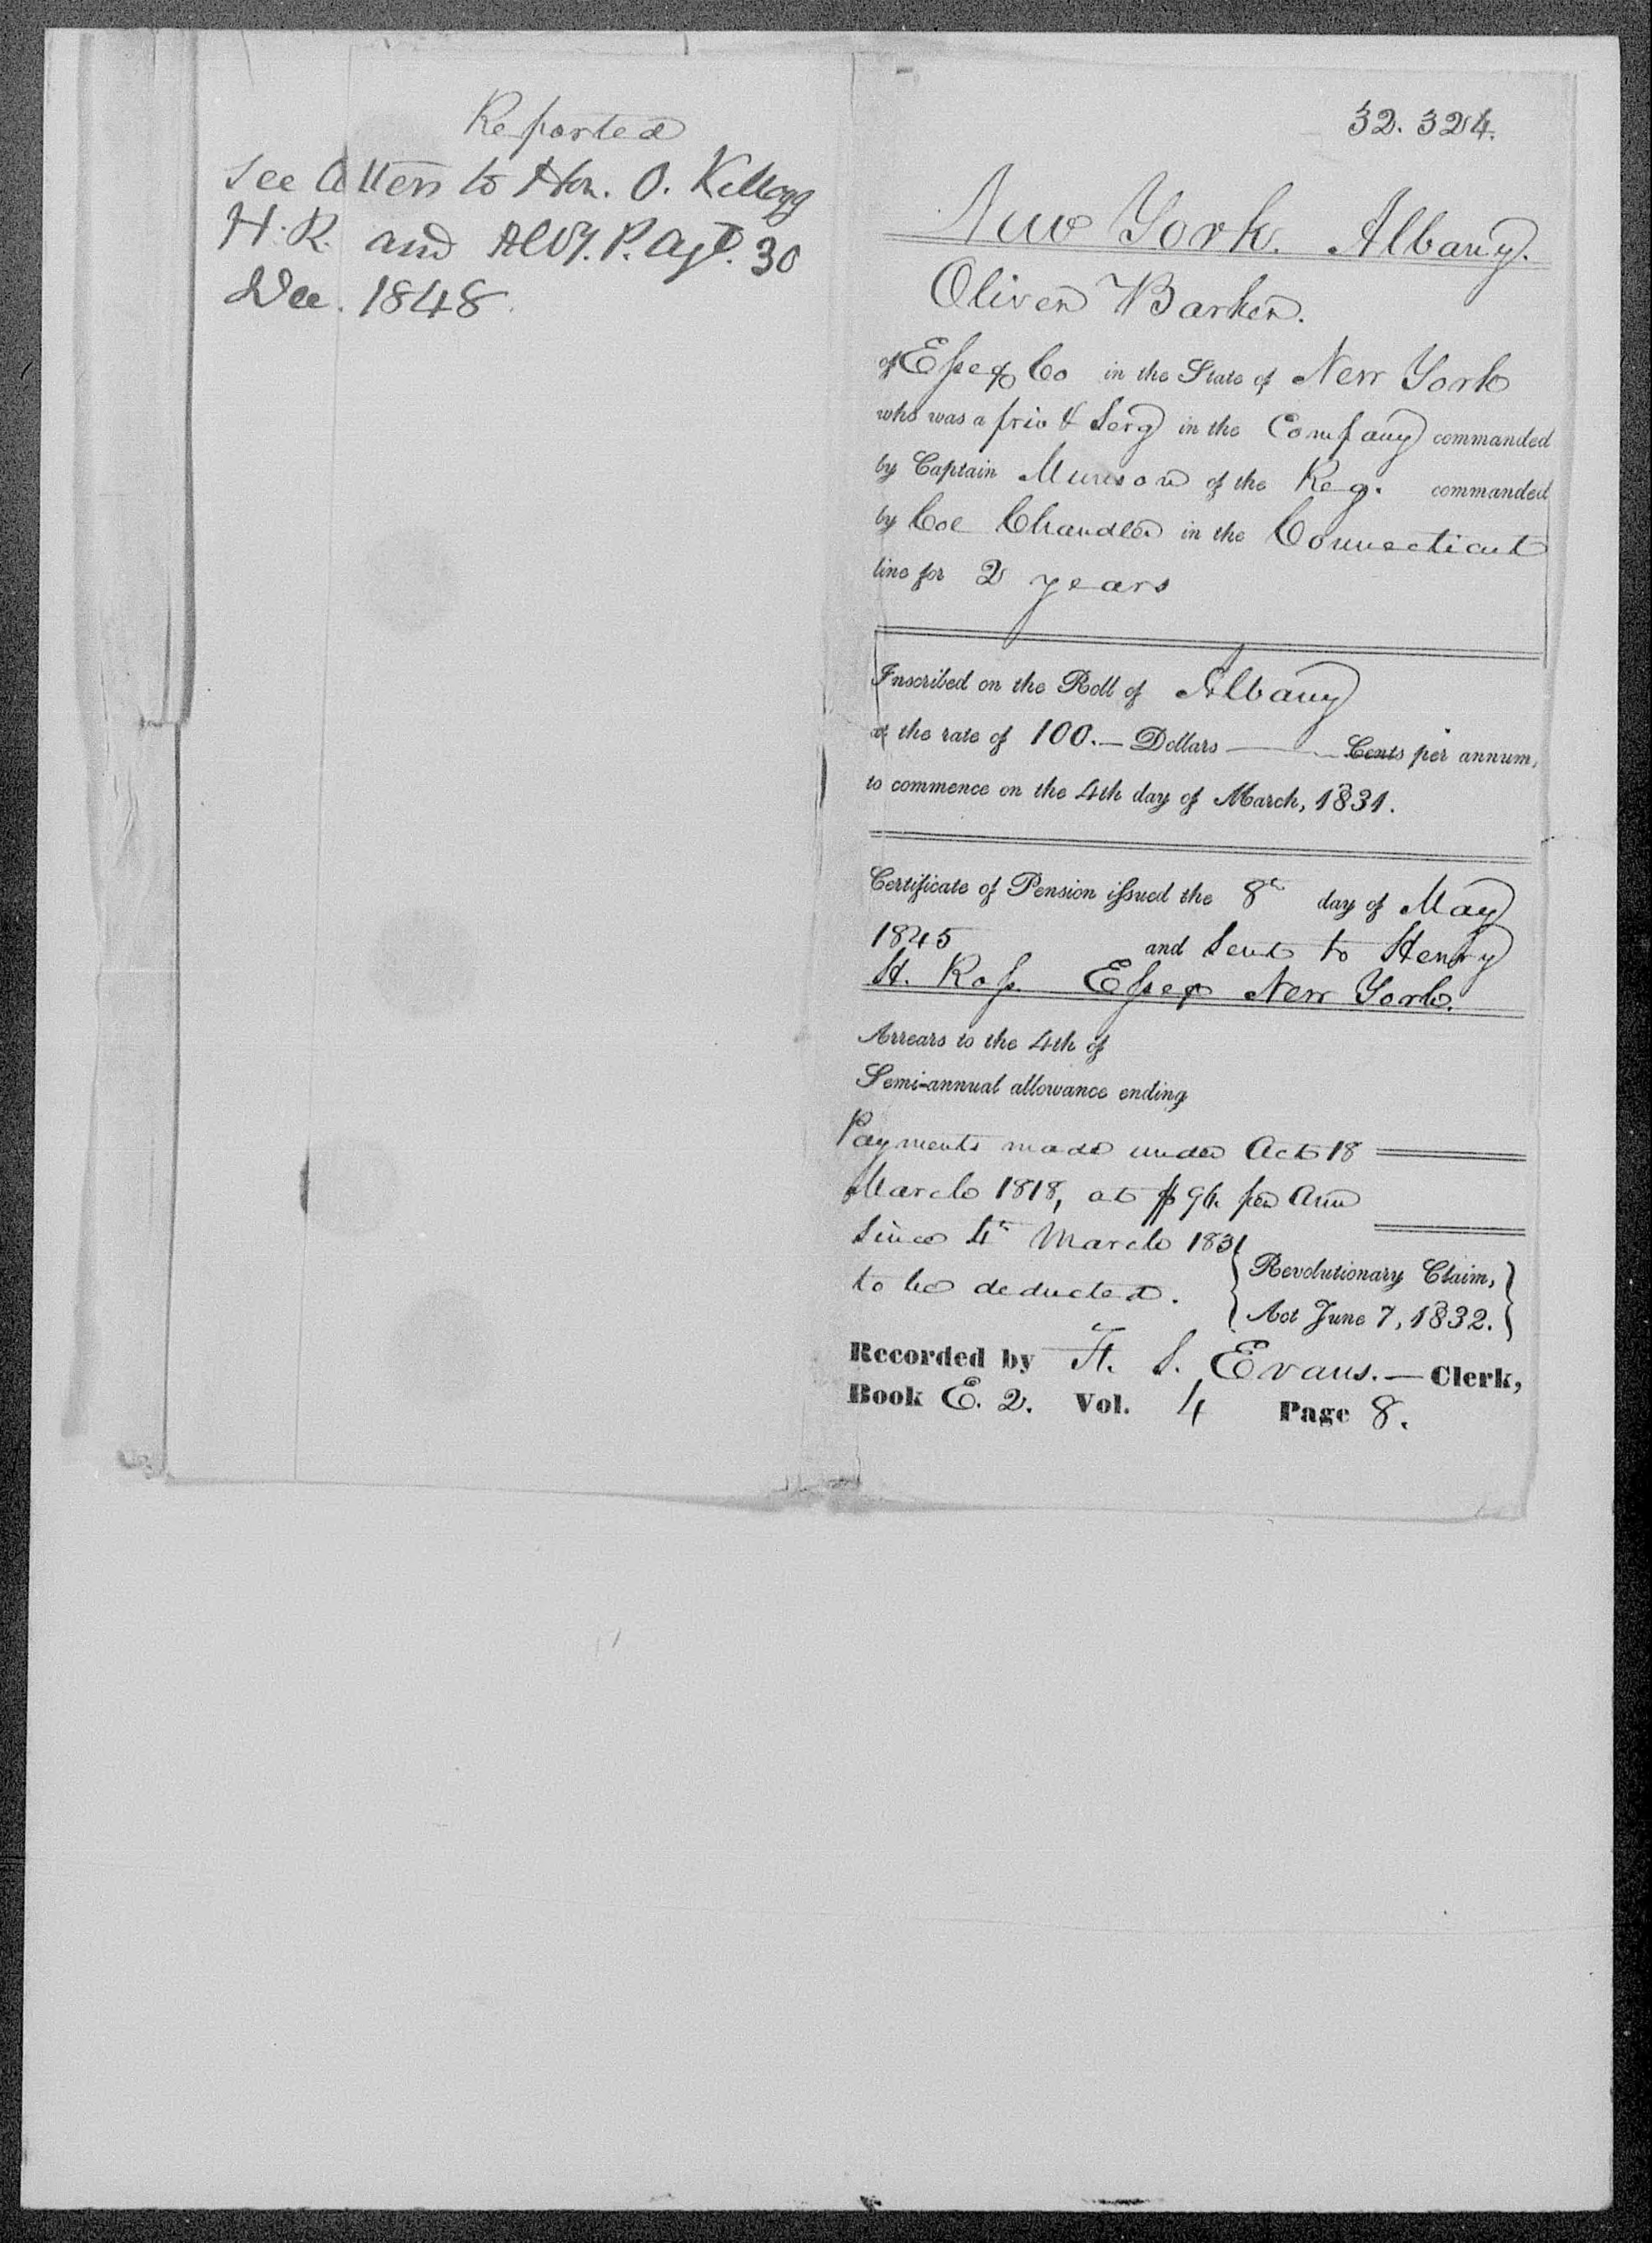Reported 
See letter to Hon. J. Kelly H.R. and Al NY. Page 30 Dec. 1848 
32.324 
New York 
Oliver Barker 
of Essex Co in the State of New York who was a priv & Serg in the Company commanded by Captain Murison of the Reg. commanded by Col Chandler in the Connecticut line for 2 years  
Inscribed on the Roll of Albany of the rate of 100. Dollars - Cents per annum, to commence on the 4th day of March, 1831. 
Certificate of Pension issued the 8th day of May 1845 and sent to Henry H. Ross
H. Reps Essex New York
Arrears to the 4th 
of Semi-annual allowance ending 
Payments made under Act 18 March 1818, at $96 per annum  Since 4th March 1831 to be deducted 
{Revolutionary Claim, Act June 7, 1832.} 
Recorded by F. S. Evans, Clerk, 
Book E. 2. Vol. 4 Page 8.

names: Murison, Chandler, O Kellogg, Oliver Barker, Henry H Ross, F S Evans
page: 2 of 51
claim: widow's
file: W. 1698, Oliver Barker, Conn.